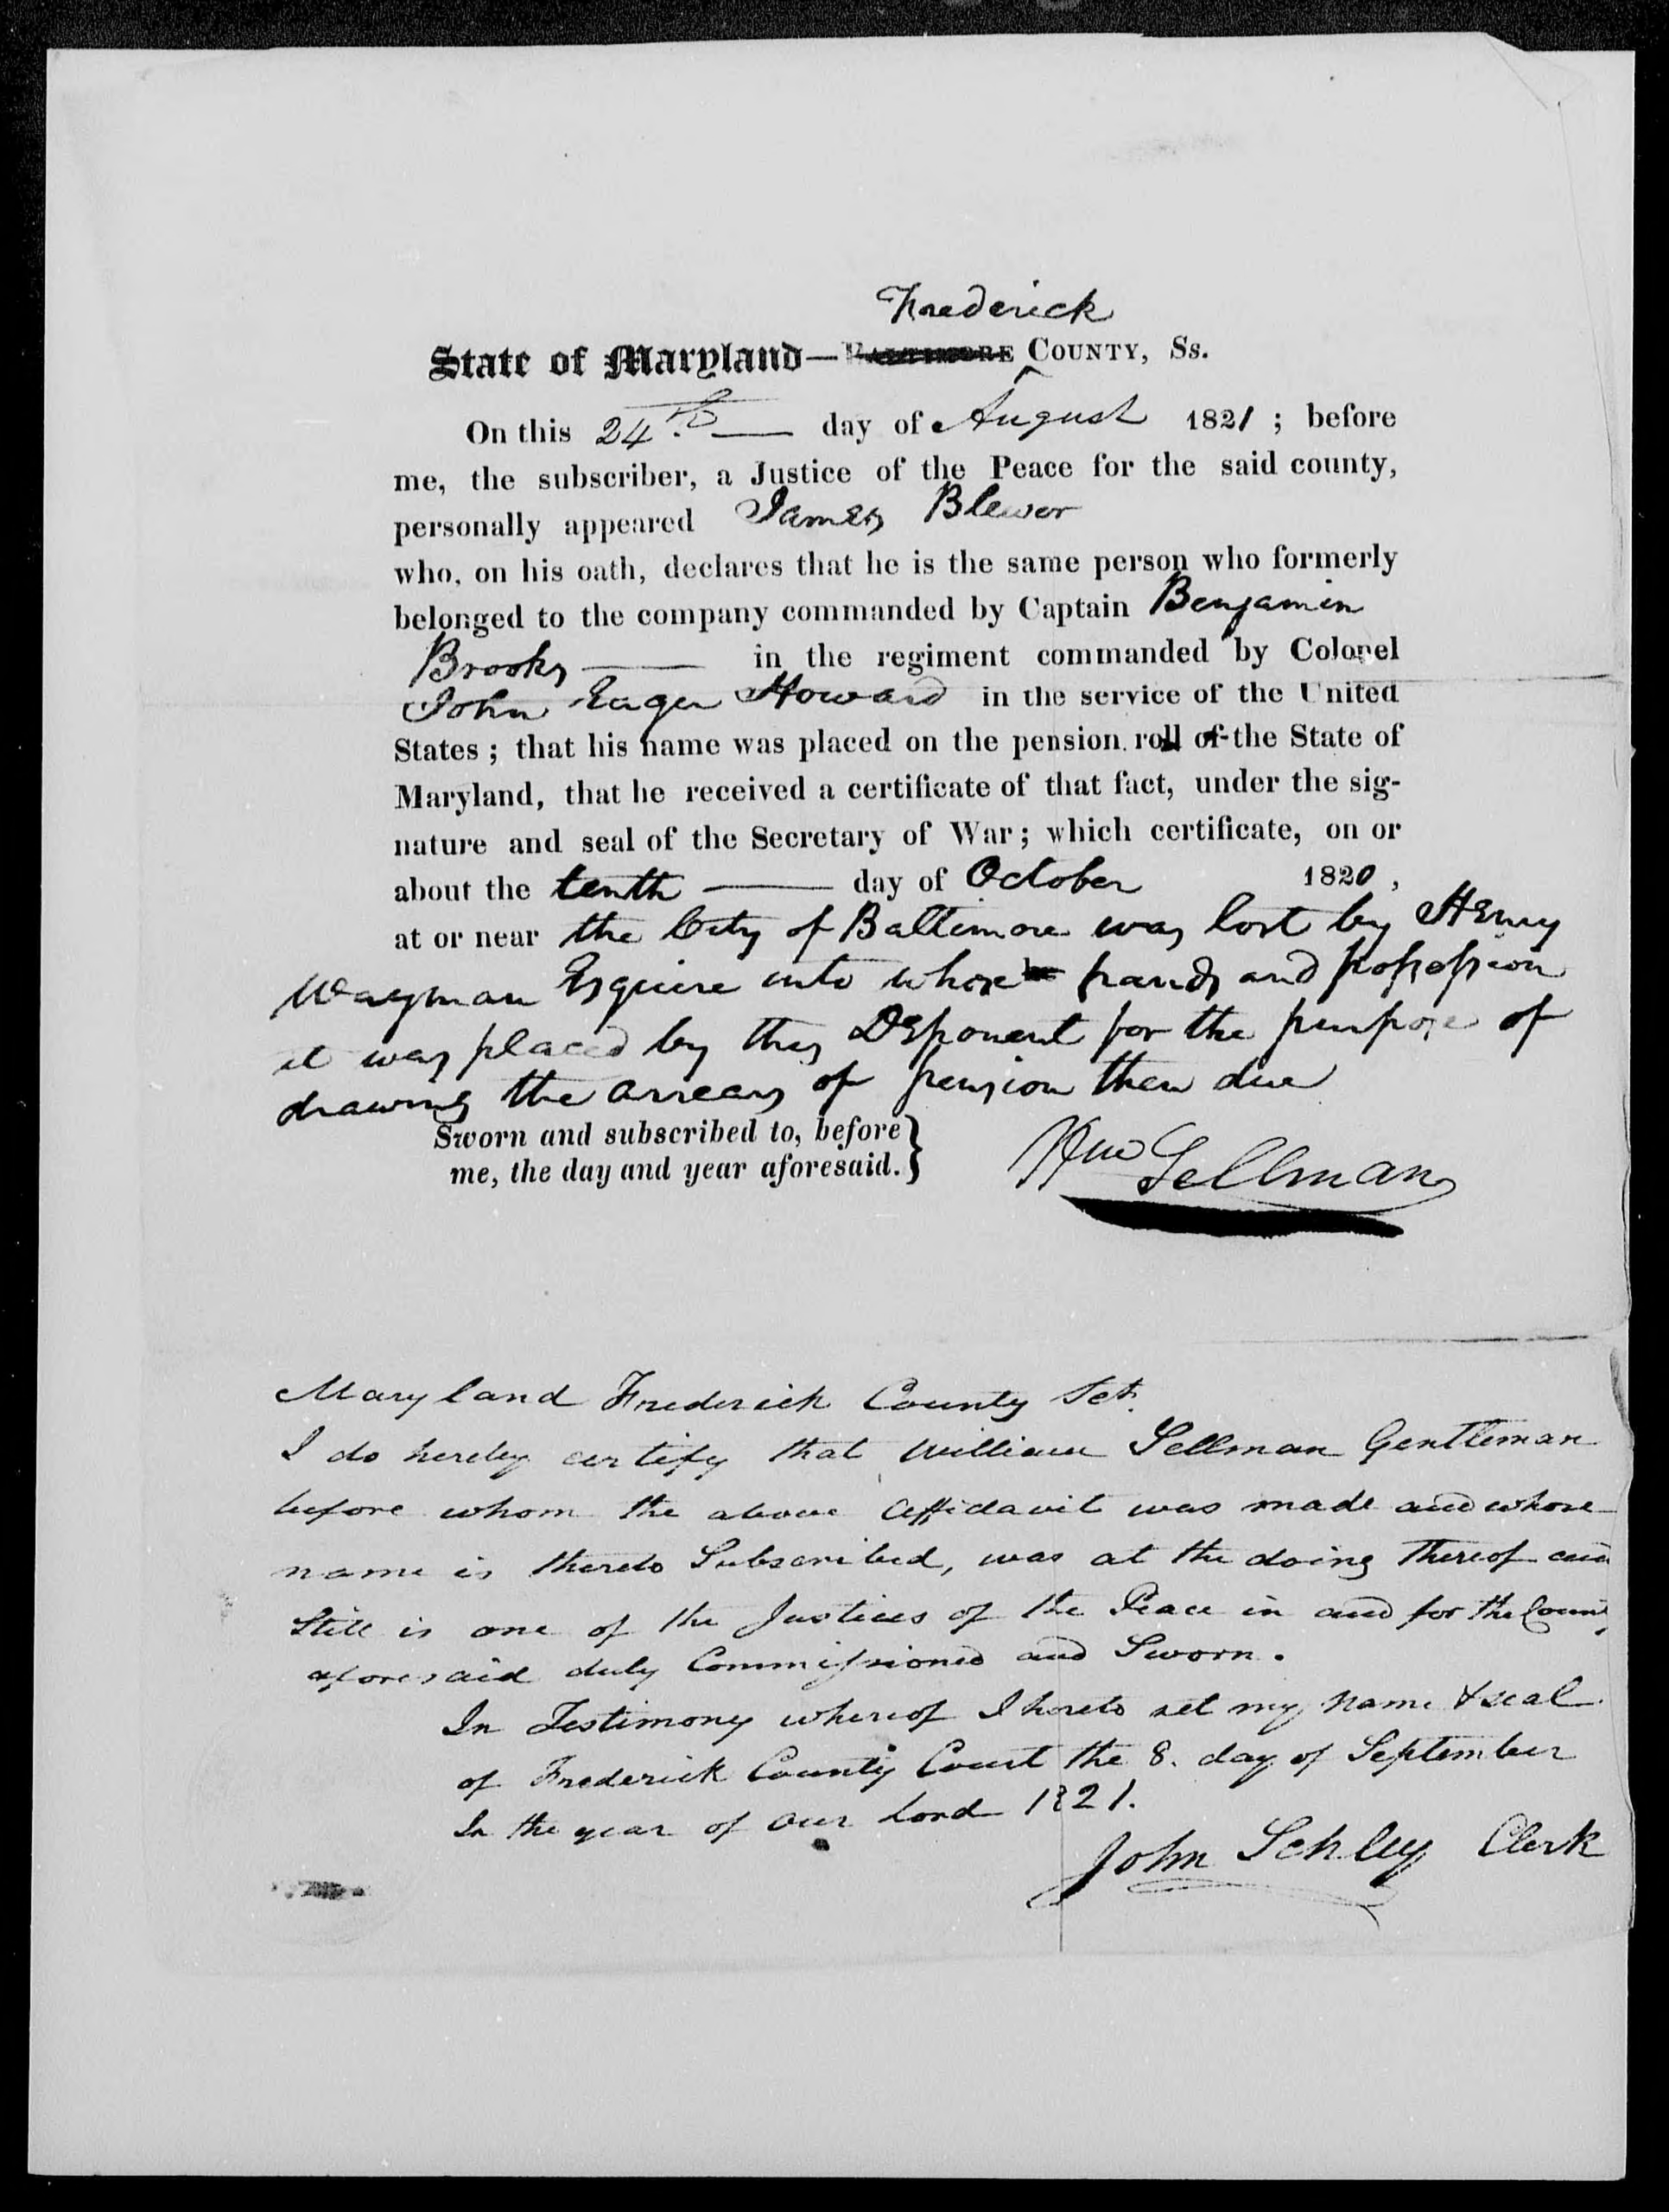State of Maryland Frederick [Baltimore lined out] County, Ss.
On the 24th day of August 1821; before me, the subscriber, a Justice of the Peace for the said county, personally appeared James Blewer who, on his oath, declares that he is the same person who formerly belonged to the company commanded by Captain Benjamin Brooks in the regiment commanded by Colonel John Eager Howard in the service of the United States; that his name was placed on the pension roll of the State of Maryland, that he received a certificate of that fact, under the signature and seal of the Secretary of War; which certificate, on or about the tenth day of October 1820, at or near the City of Baltimore was lost by Henry Wayman Esquire into whose hands and protection it was placed by this deponent for the purpose of drawing the arrears of pension then due
Sworn and subscribed to, before me, the day and year aforesaid.
Wm. [William] Sellman [signed]

Maryland Frederick County [?]
I do hereby certify that William Sellman Gentleman before whom the above affidavit was made and whose name is thereto subscribed, was at the doing thereof and still is one of the Justices of the Peace in and for the county aforesaid duly commissioned and sworn.
In testimony whereof I hereto set my name & seal of Frederick county court the 8 day of September in the year of our lord 1821
John Schley Clerk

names: William Tellman, Wm Tellman, Henry Wayman, John Eager Howard, John Schley, James Blewer, Benjamin Brooks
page: 7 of 30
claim: survivor's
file: S. 10093, James Blewer, Md.